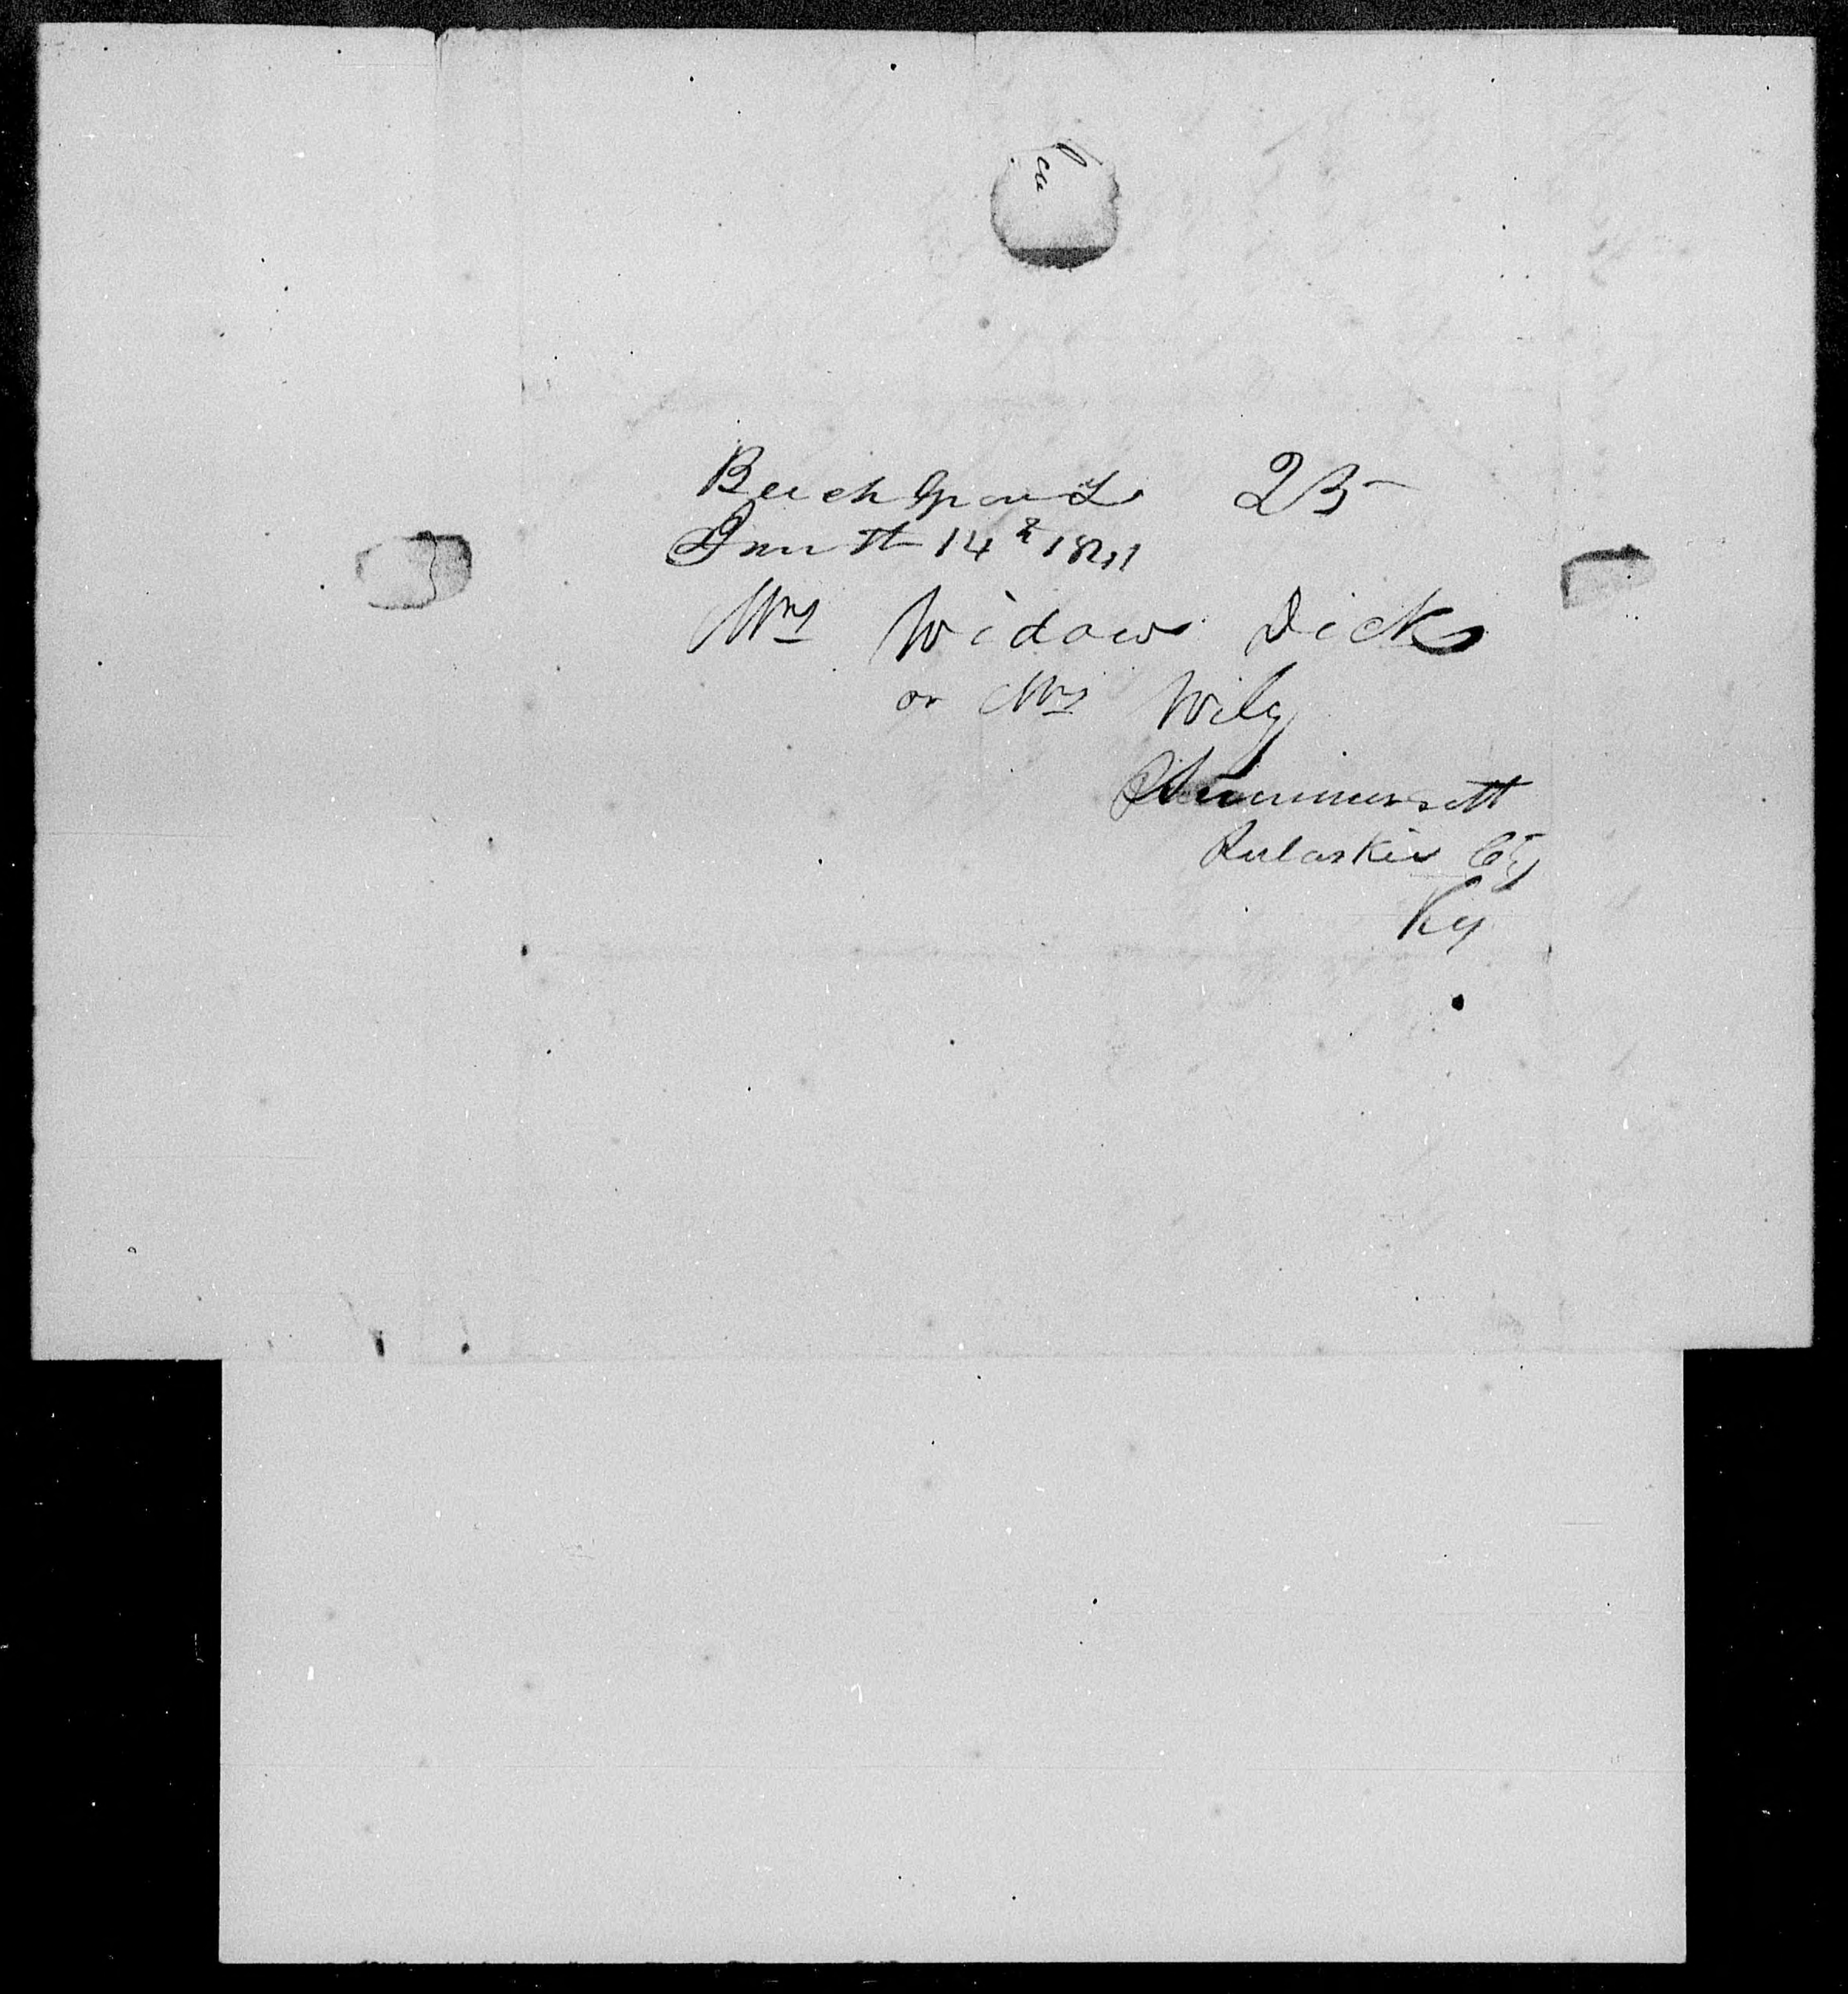[illegible] 14th 1841 
Mrs. Widow Dick or Mrs. Wily 
[illegilbe] Pulaski Cty.
KY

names: Dick, Wily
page: 19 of 31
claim: widow's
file: W. 8668, John Dick, S C